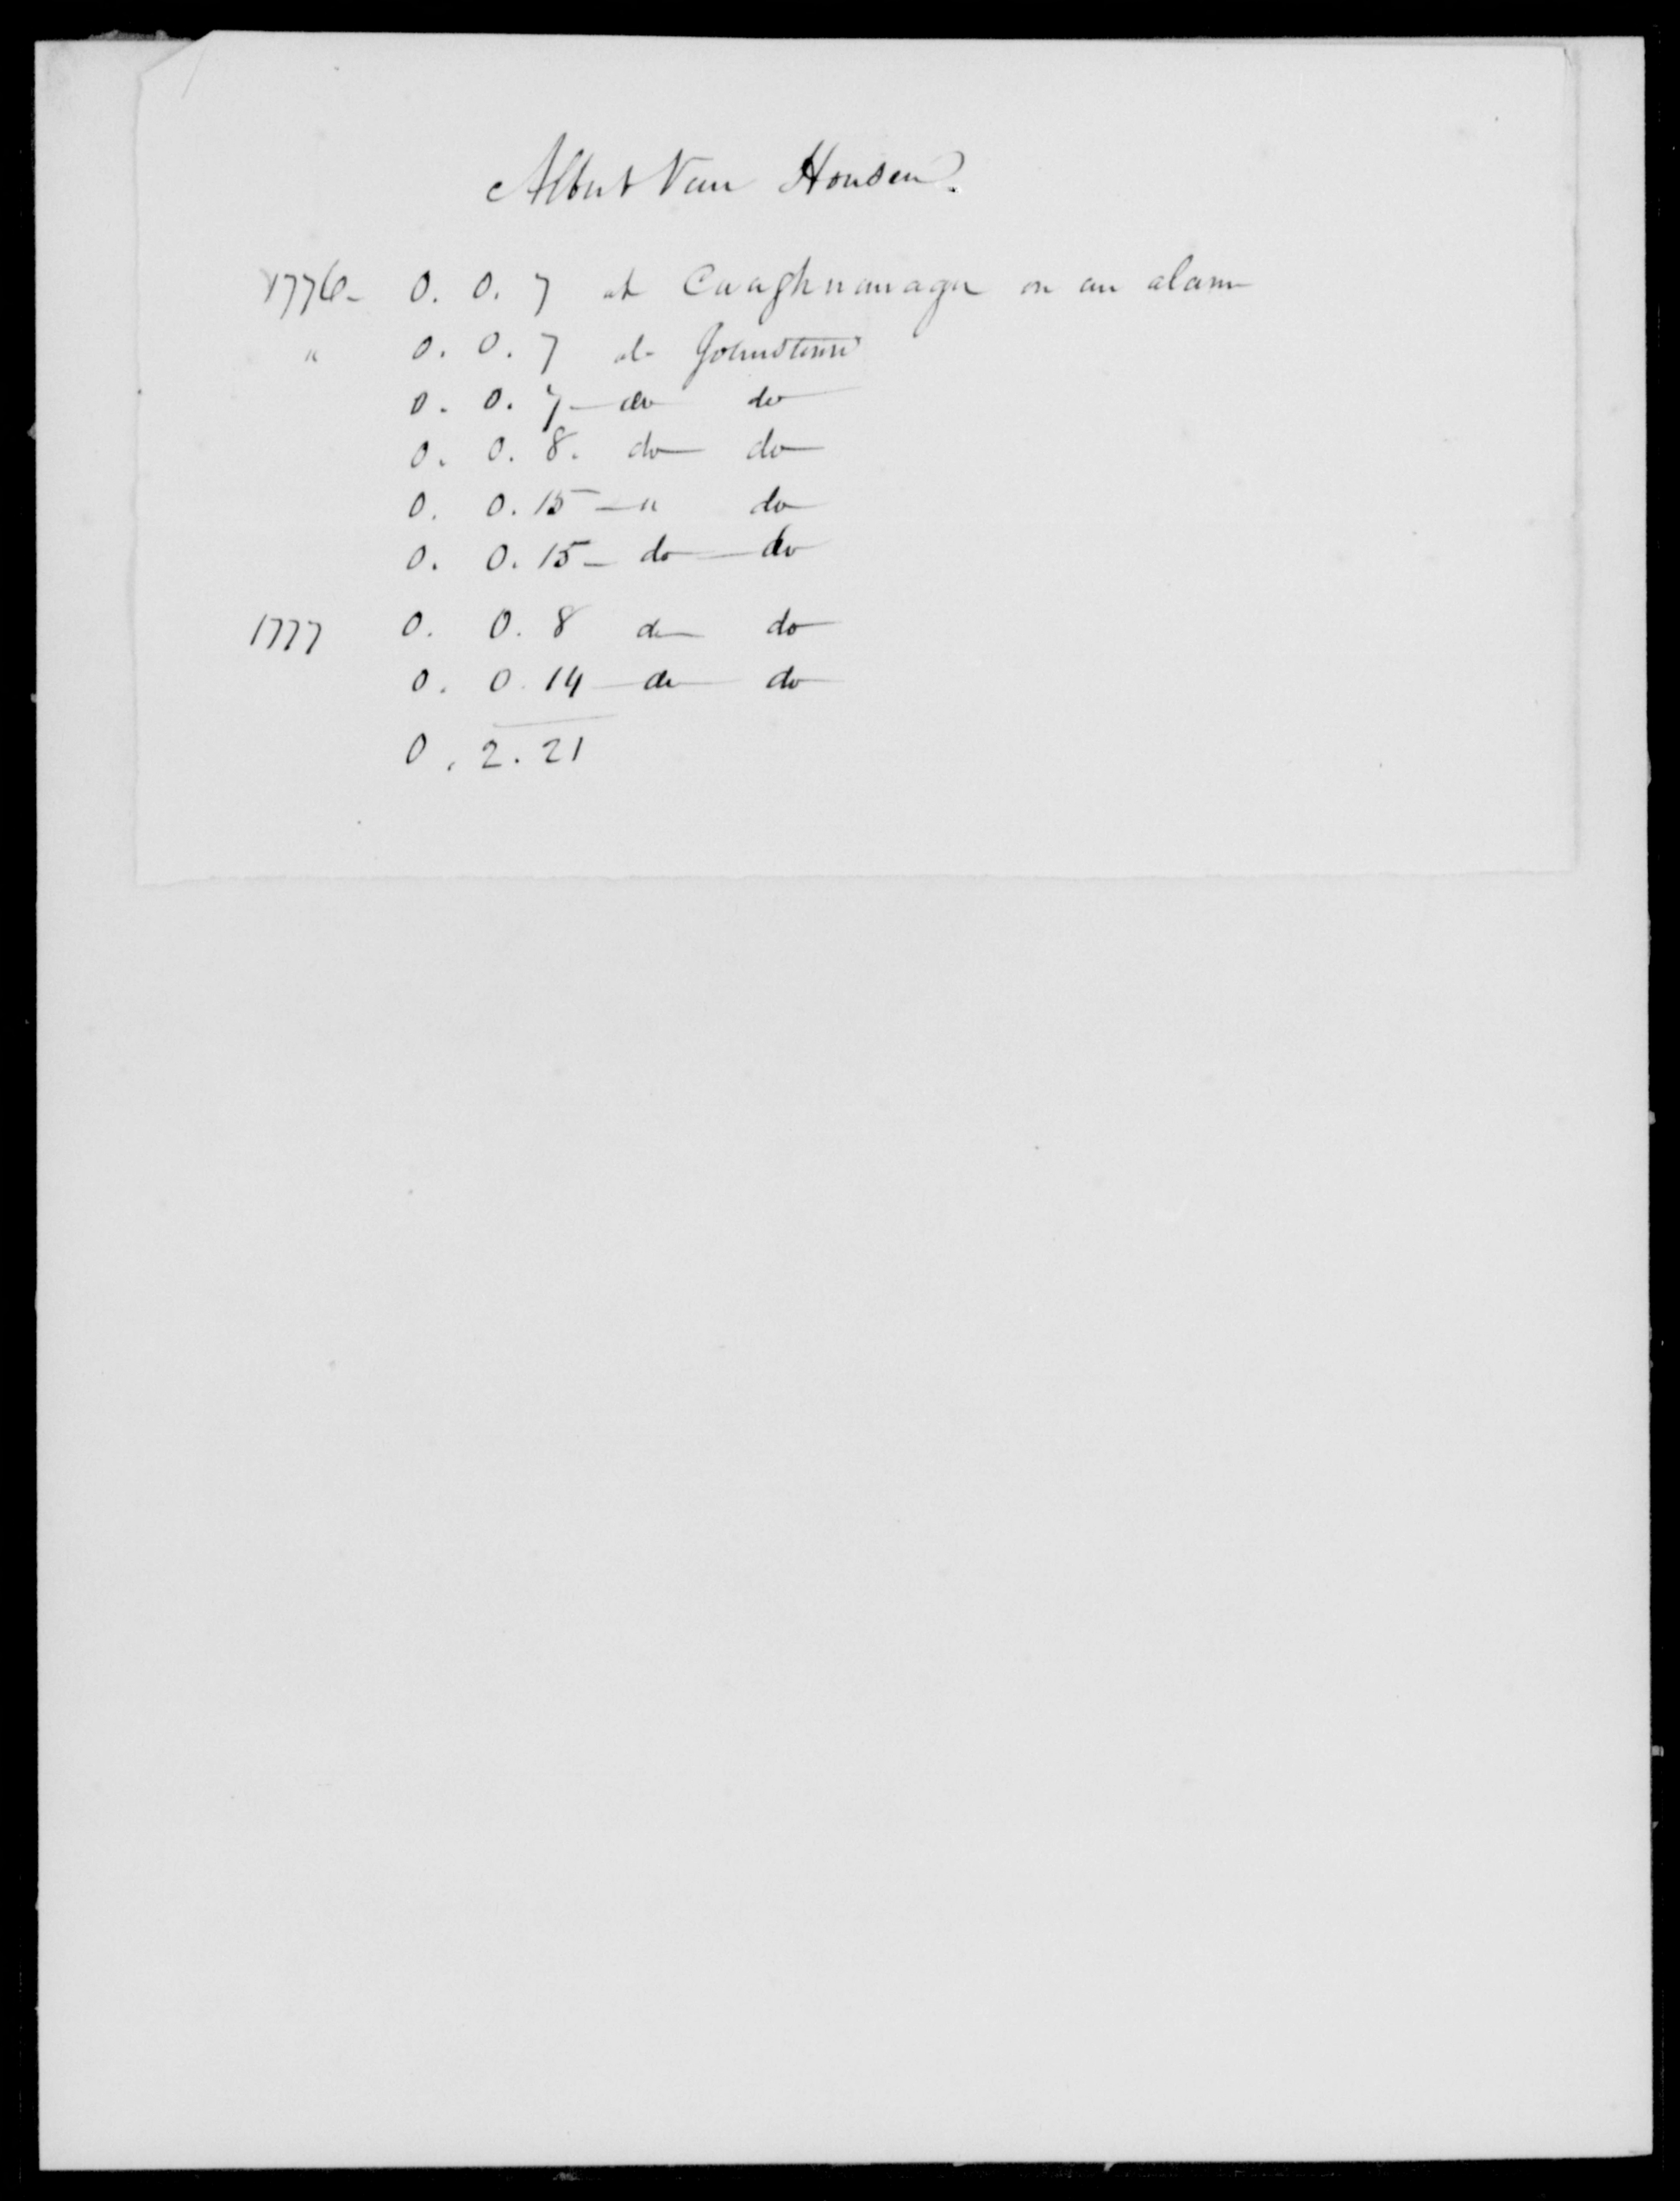Albert Van Housen 
1776. 0.0.7 at Caughnawaga on an alarm 
1776 0.0.7 at Johnstown 
0.0.7 at Johnstown 
0.0.8 at Johnstown 
0.0.15 at Johnstown 
0.0.15 at Johnstown 
1777 0.0.8 at Johnstown 
0.0.14 at Johnstown
0.2.21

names: Albert Van Housen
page: 13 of 57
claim: survivor's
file: S. 28,925, Albert Van Housen, New York